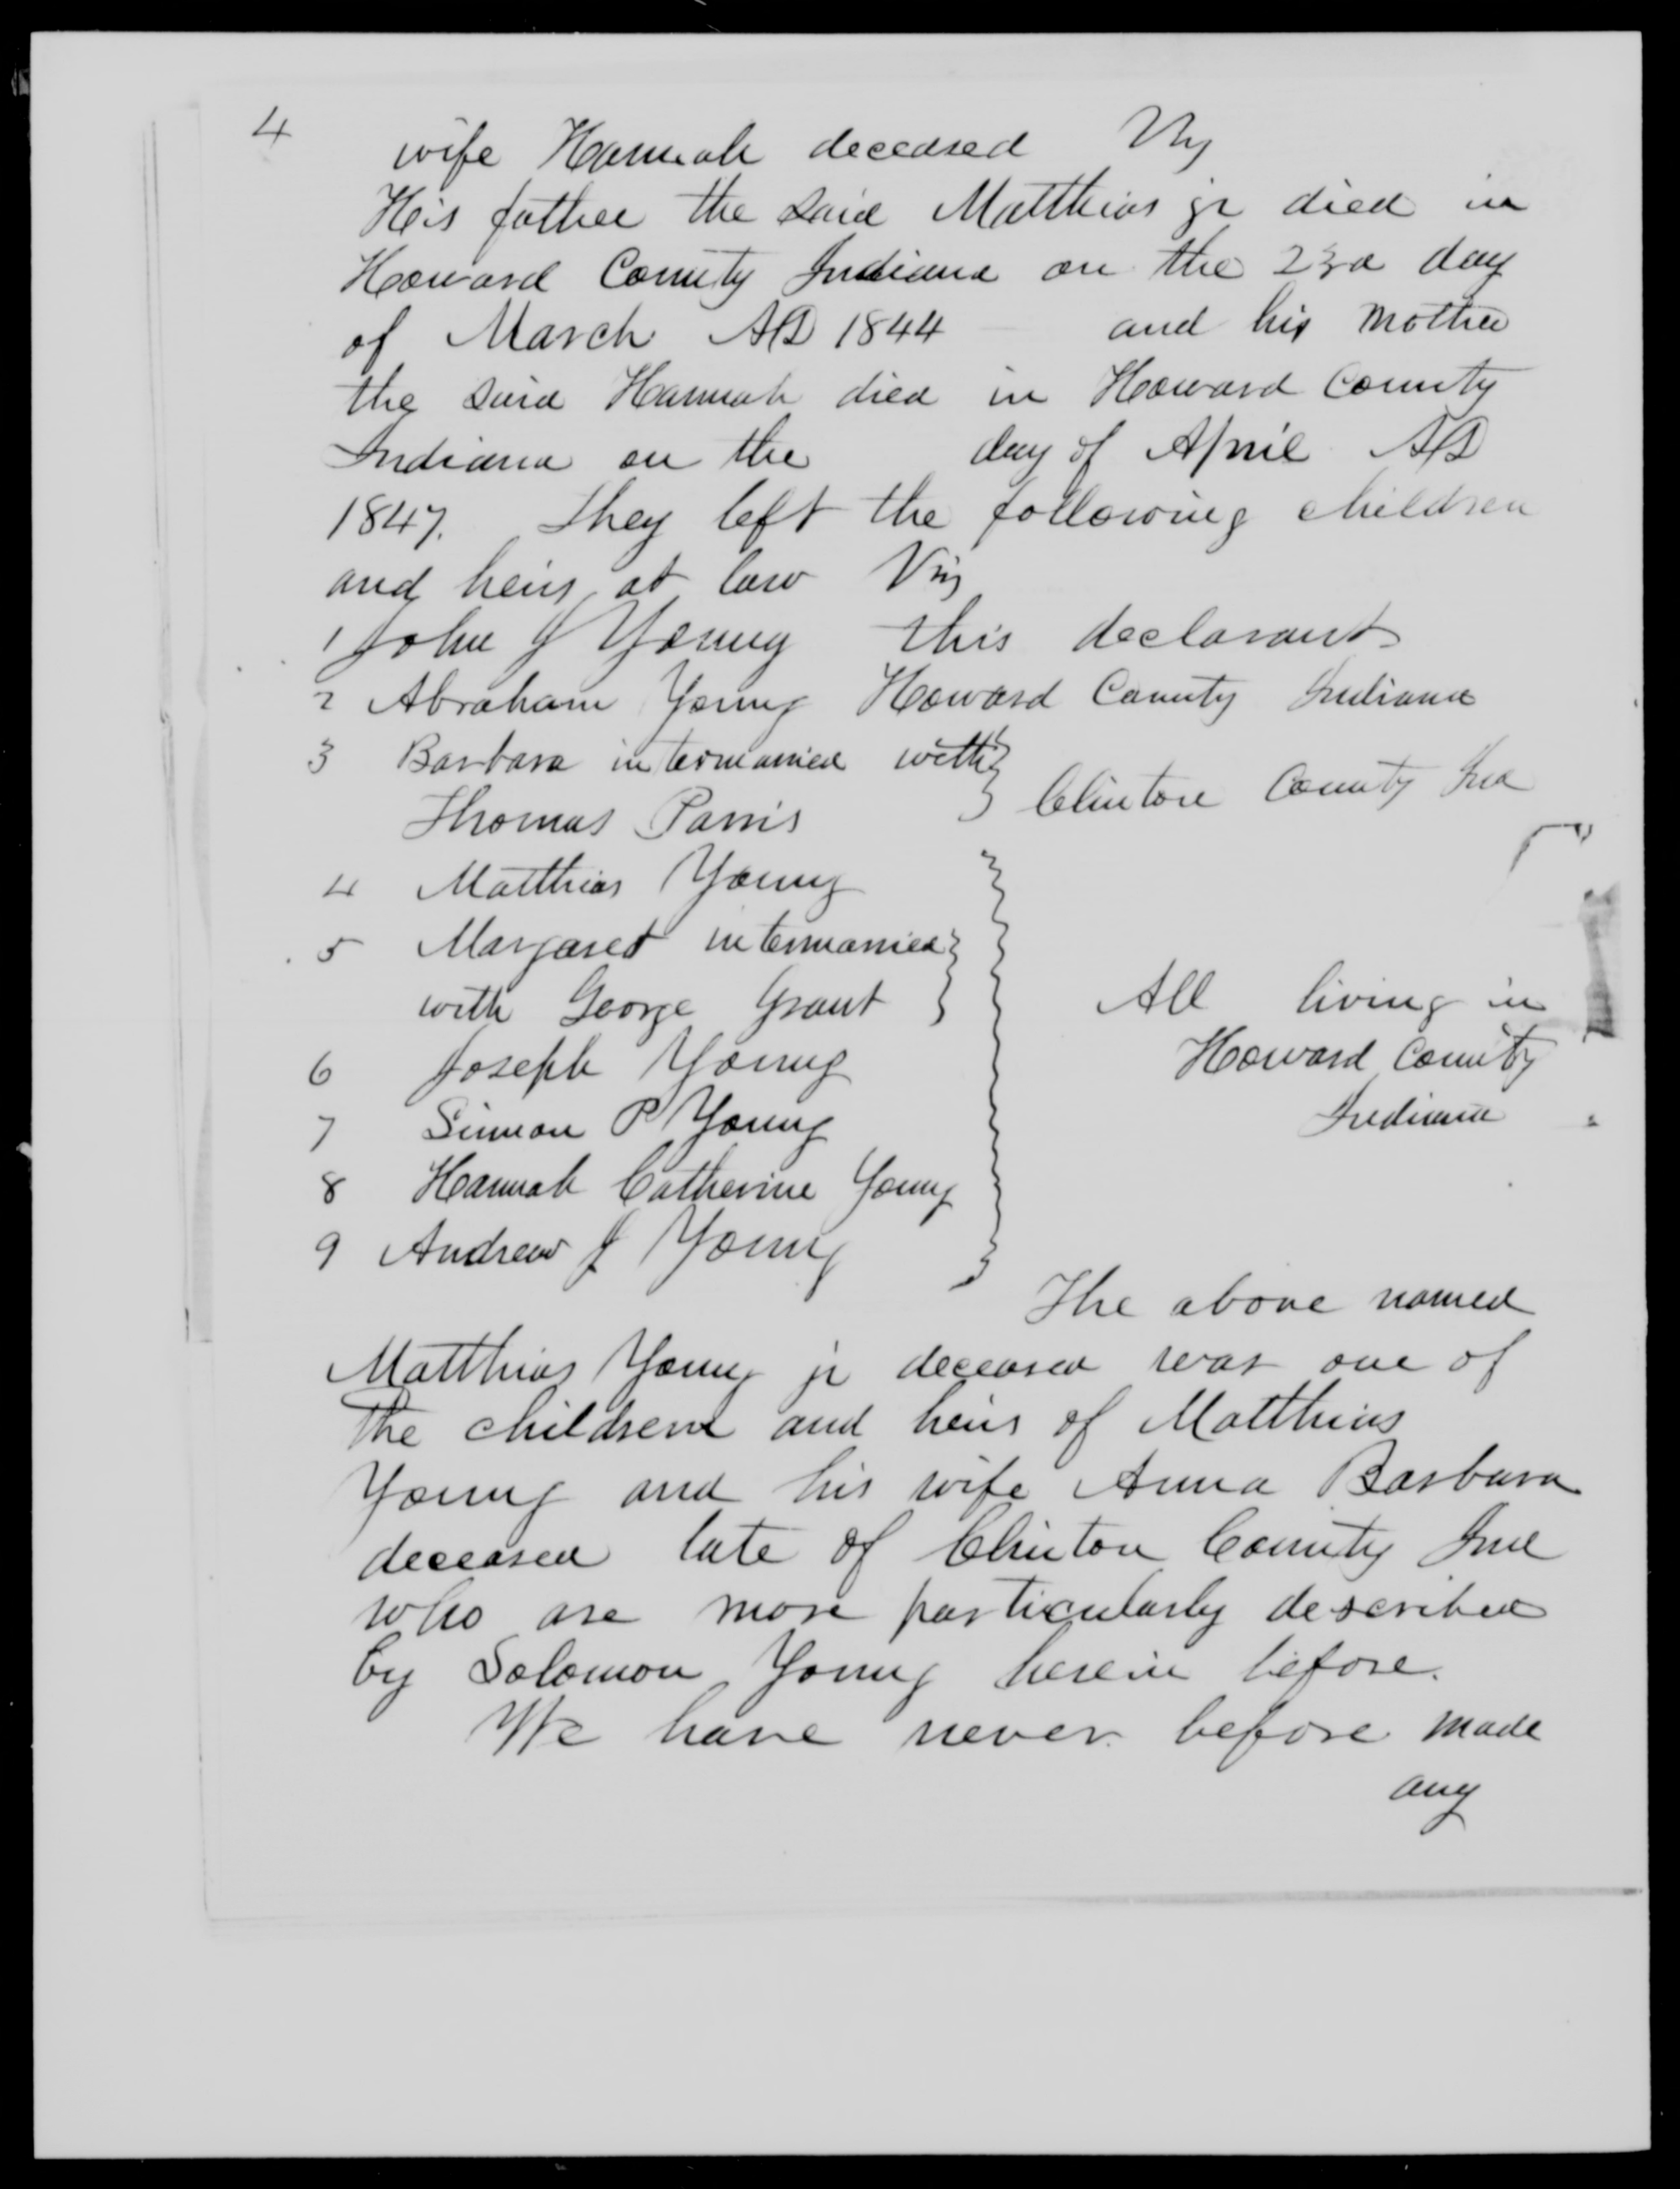4
wife Hannah deceased. [illegible]
His father the said Matthias jr died in
Howard County Indiana on the 23d day
of March AD 1844 and his mother
the said Hannah died in Howard County
Indiana on the [blank] day of April AD
1847. They left the following children
and heirs at law Viz
1 John J. Young this declarant
2 Abraham Young Howard County Indiana
3 Barbara intermarried withThomas Paris
 Clinton County Ind

[Following] All living Howard County Indiana
4 Matthias Young
5 Margaret intermarried with George Grant
6 Joseph Young
7 Simon P Young
8 Hannah Catherine Young
9 Andrew J Young
The above named Matthias Young jr deceased was one of the children and heirs of Matthias
Young and his wife Anna Barbara
deceased, late of Clinton County and
who are more particularly described
by Solomon Young herein before.
We have never before made
any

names: Matthias Young, Margaret, Anna Barbara, Barbara, Joseph Young, Hannah, Abraham Young, Simeon P Young, Thomas Parris, John J Young, Andrew J Young, Hannah Catherine Young, George Grant, Matthias, Solomon Young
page: 109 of 123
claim: rejected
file: R. 11,949, Matthias Young, Md.